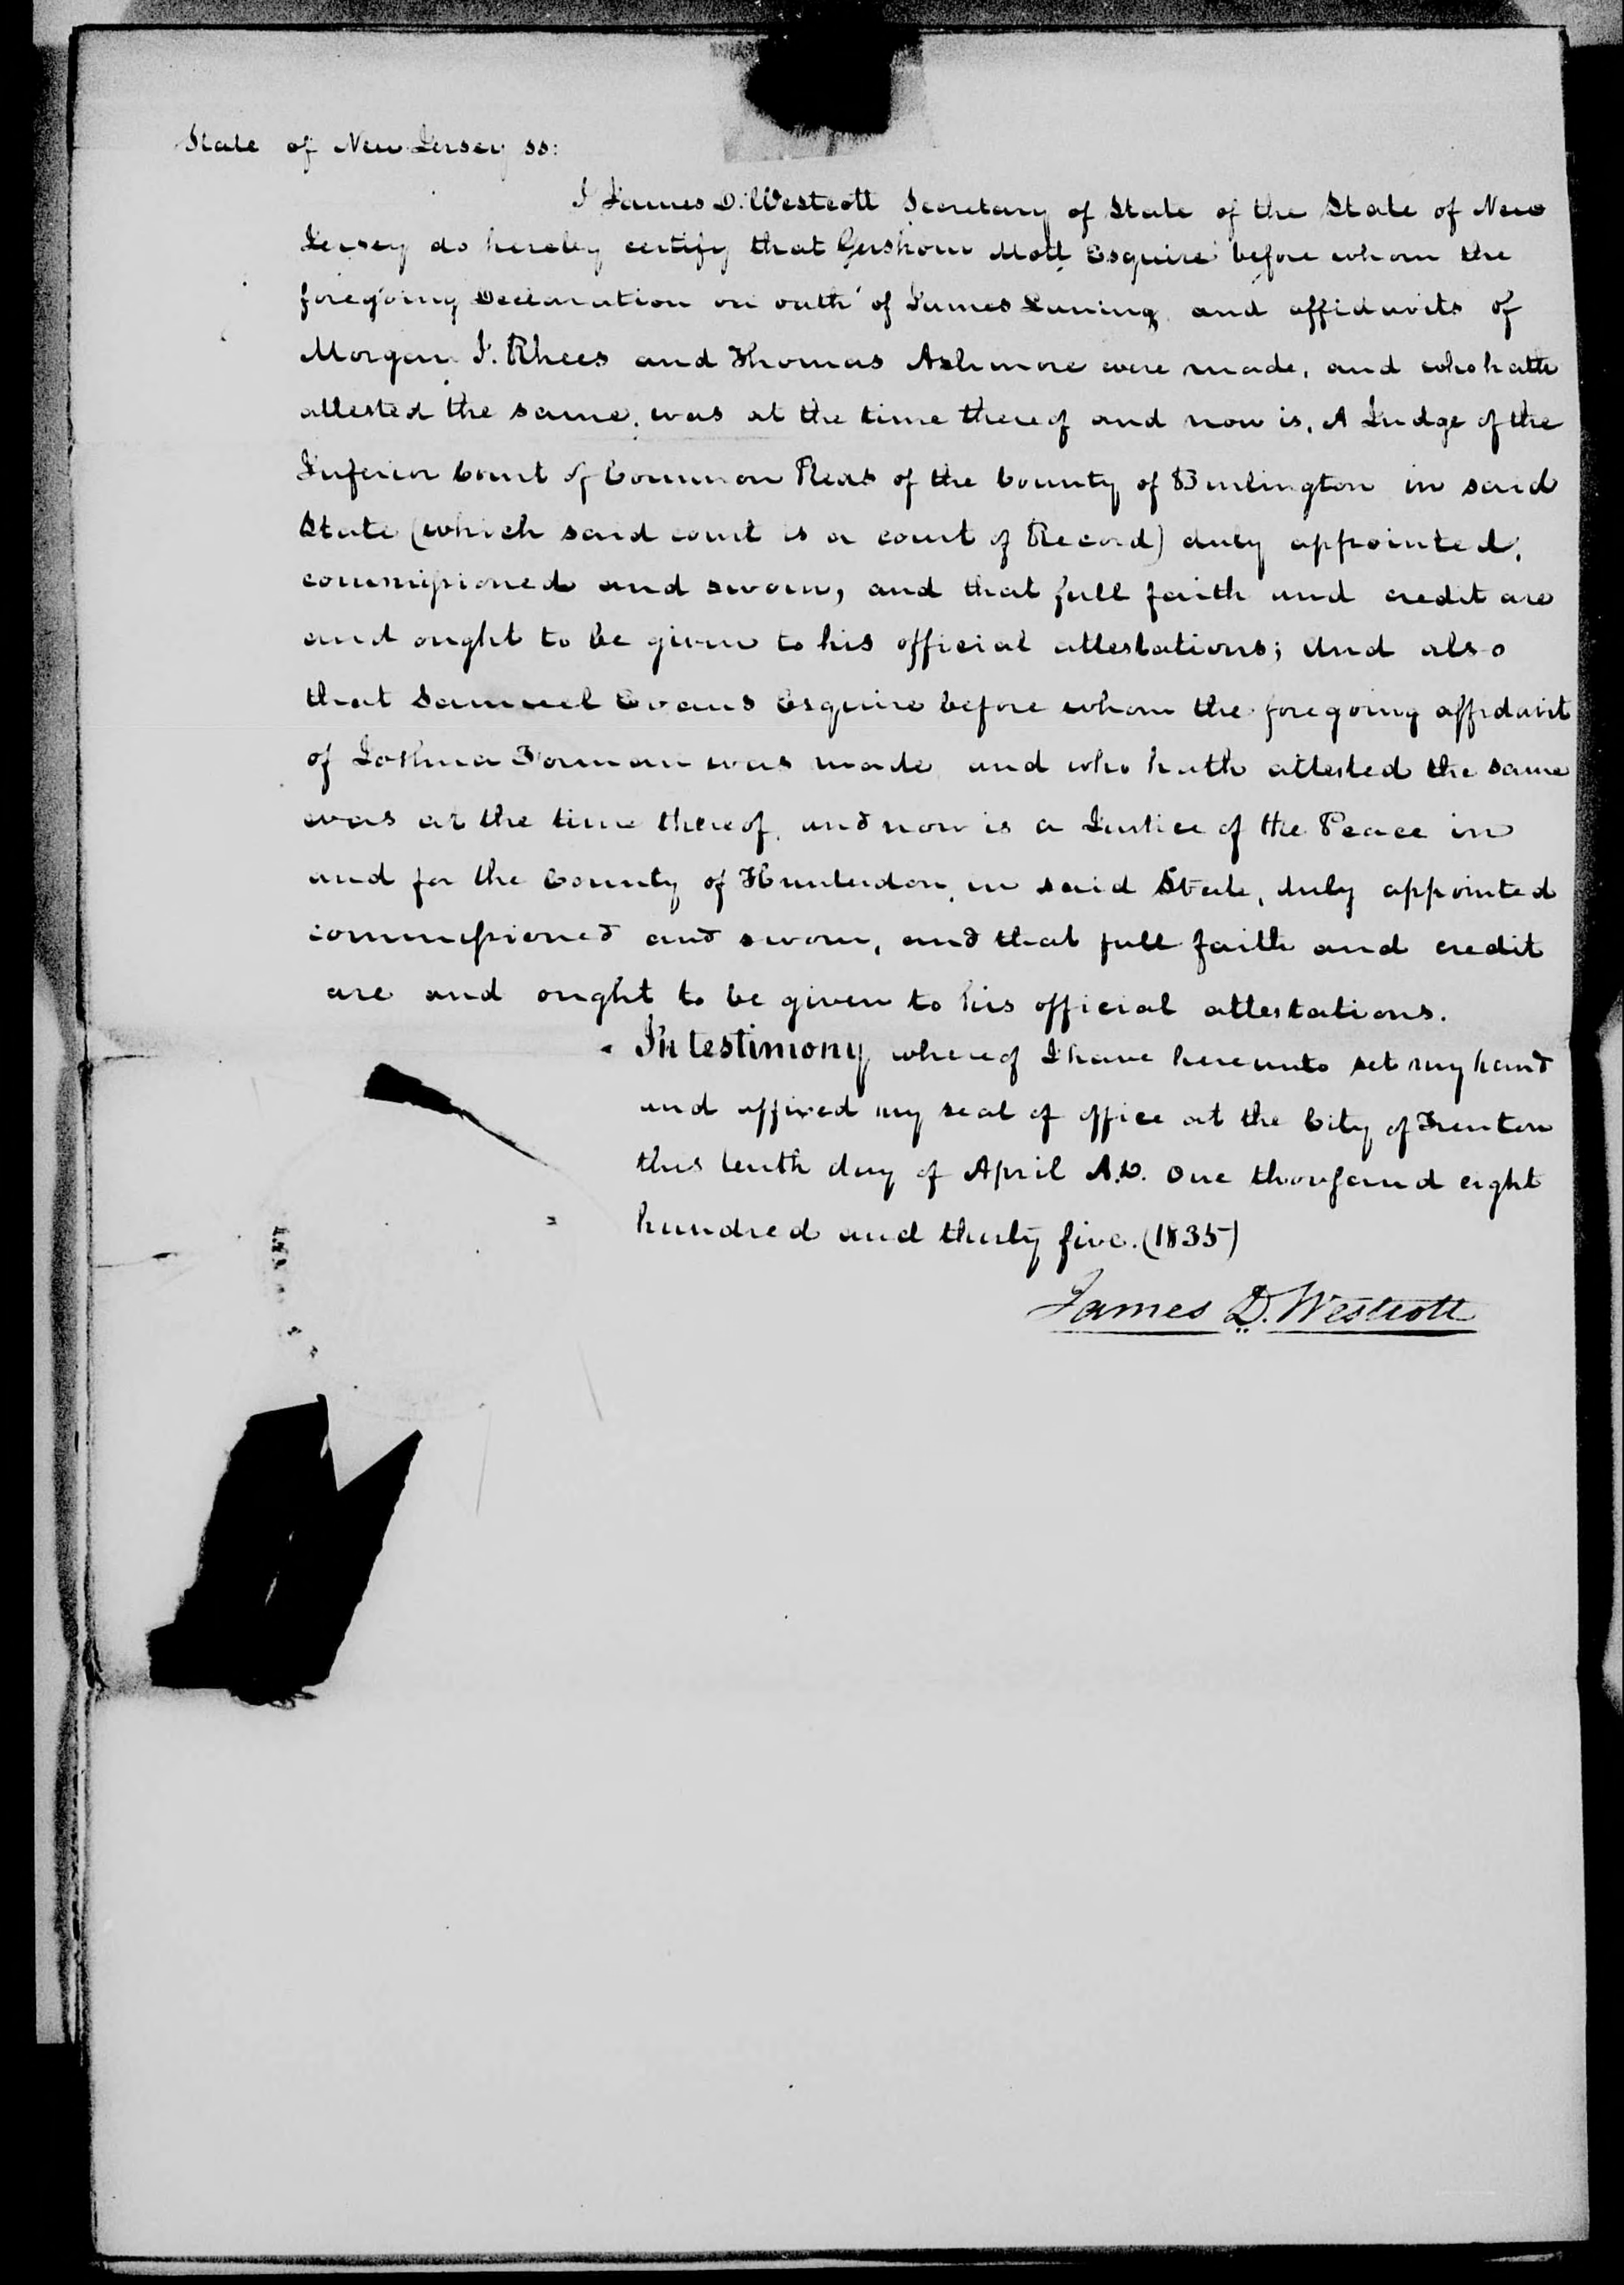State of New Jersey ss:
I James D. Westcott Secretary of State of the State of New Jersey do hereby certify that Gersham Mott Esquire before whom the foregoing Declaration on oath of James Laning and affidavits of Morgan J. Rhees and Thomas Ashmore were made, and who hath attested the same, was at the time thereof and now is, a Judge of the Inferior Court of Common Pleas of the County of Burlington in said State (which said court is a court of Record) duly appointed, commissioned and sworn, and that full faith and credit are and ought to be given to his official attestations; And also that Samuel Evans Esquire before whom the foregoing affidavit of Joshua Forman was made and who hath attested the same was at the time thereof, and now is a Justice of the Peace in and for the County of Hunterdon, in said State, duly appointed commissioned and sworn, and that full faith and credit are and ought to be given to his official attestations.
In testimony whereof I have hereunto set my hand and affixed my seal of office at the City of Trenton this tenth day of April A. D. one thousand eight hundred and thirty five. (1835)
James D. Westcott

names: Morgan J Rhees; Gershom Mott; Samuel Evans; Joshua Forman; James D Westcott; Thomas Ashmore; James Laning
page: 39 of 39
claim: rejected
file: R. 6154, for James Laning, New Jersey